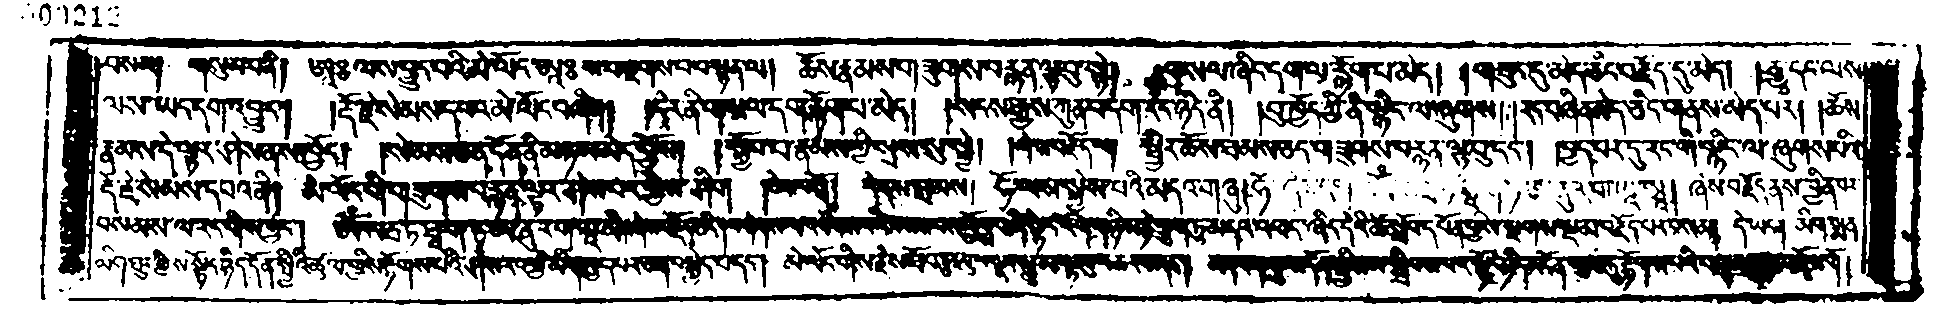བསམ། གསུམ་པ་ནི། ཨཱཿ ལས་བྱུང་བའི་མེ་ལོང་ཨཱཿ ས་བསྔགས་བ་བསྟན་ལ།  ཆོས་རྣམས་གཟུགས་བརྙན་ལྟ་བུ་སྟེ། །གསལ་ཞིང་དག་ལ་རྙོག་པ་མེད། །གཟུང་དུ་མེད་ཅིང་བརྗོད་དུ་མེད། །རྒྱུ་དང་ལས་
ལས་ཡང་དག་འབྱུང་། །རྡོ་རྗེ་སེམས་དཔའ་མེ་ལོང་བཞིན། །དེར་ནི་གསལ་དག་རྙོག་པ་མེད། །སངས་རྒྱས་ཀུན་བདག་རང་ཉིད་ནི། །བུ་ཁྱོད་ཀྱི་ནི་སྙིང་ལ་ཞུགས། །རང་བཞིན་མེད་ཅིང་གནས་མེད་པར། །ཆོས་
རྣམས་དེ་ལྟར་ཤེས་ནས་ཁྱོད། །སེམས་ཅན་དོན་ནི་མཉམ་མེད་བྱོས། །སྐྱོབ་པ་རྣམས་ཀྱི་སྲས་སུ་སྐྱེ། །ཞེས་བརྗོད་ལ།  སྤྱིར་ཆོས་ཐམས་ཅད་གཟུགས་བརྙན་ལྟ་བུ་དང་། ཁྱད་པར་དུ་རང་གི་སྙིང་ལ་ཞུགས་པའི་
རྡོ་རྗེ་སེམས་དཔའ་ནི། མེ་ལོང་གི་གཟུགས་བརྙན་ལྟར་ཤེས་བར་གྱིས་ཤིག་།ཅེས་བསྒོ། དེ་ནས་བླ་མས།  ཧོ་ལས་སྐྱེས་པའི་མདའ་གཞུ། ཧོ་ཞེས་དང་།  ཨོཾ་སརྦ་ཏ་ཐཱ་ག་ཏ་ཨ་ནུ་ར་ག་ཡཱ་སྭཱ། ཞེས་བརྗོད་ནས་བྱིན་པར་
བསམས་ལ་རང་གིས་ཀྱང་། ཨོཾ་སརྦ་ཏ་ཐཱ་ག་ཏ་ཨ་ནུ་རག་ཡཱ་མི། ཞེས་བརྗོད་ཅིང་། བགེགས་ལ་འབིགས་པའི་བསམ་པས་ཕྱོགས་བཞི་སྟེང་འོག་གཉིས་ཏེ་དྲུག་ཏུ་མདའ་འཕང་ཞིང་དེའི་ཚེ་སློབ་དཔོན་གྱིས་སྔགས་སྔ་མ་བརྗོད་པར་བསམ། དེ་ཡང་། མིག་སྨན་
མིག་ཐུར་གྱིས་སྟོང་ཉིད་དོན་སྤྱིའི་ཚུལ་གྱིས་རྟོགས་པའི་ཤེས་རབ་ཀྱི་མིག་ཁྱད་པར་ཅན་བསྐྱེད་པ་དང་། མེ་ལོང་གིས་རྗེས་ཐོབ་ཏུ་ཡུལ་སྣང་སྒྱུ་མ་ལྟ་བུ་འཆར་བ་དང་། མདའ་གཞུས་དོན་སྤྱིས་མ་སྒྲིབས་པར་སྟོང་ཉིད་མངོན་སུམ་དུ་རྟོགས་པའི་བག་ཆགས་འཇོས་གོ །